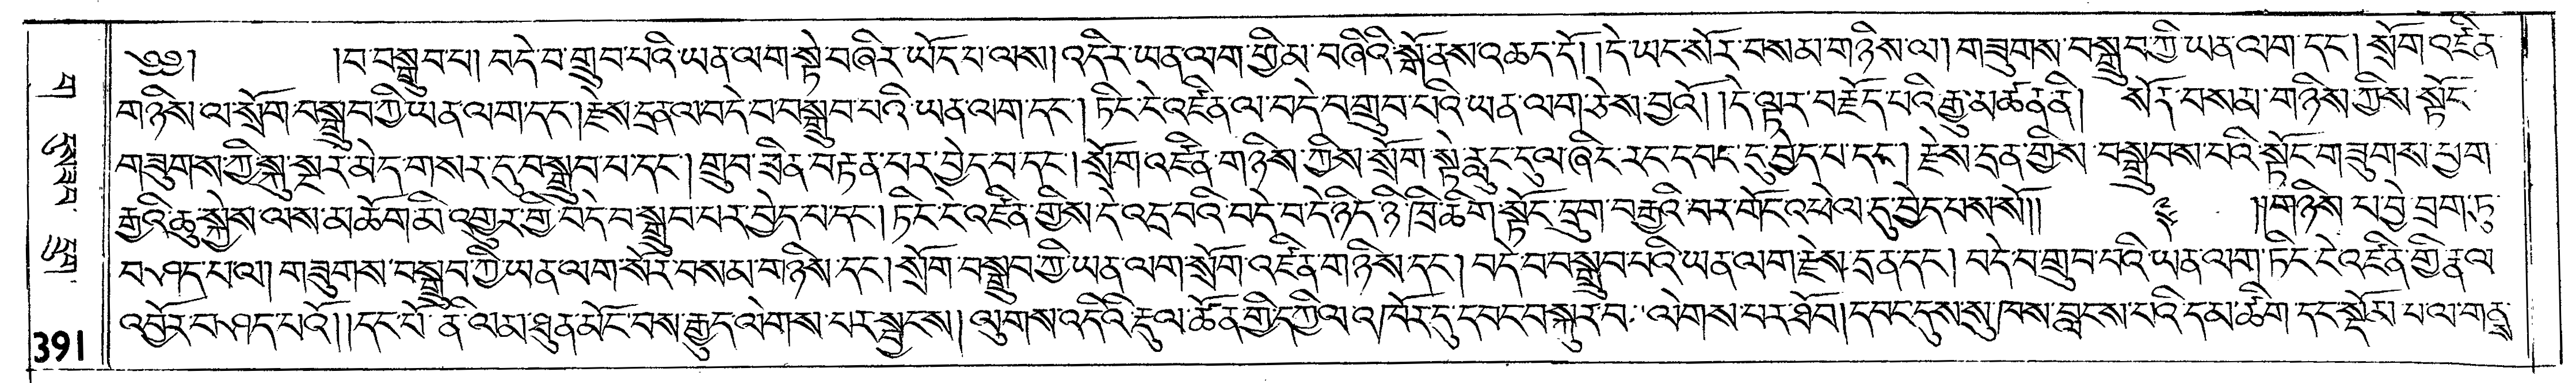༄༅། །བ་བསྒྲུབ་པ། བདེ་བ་གྲུབ་པའི་ཡན་ལག་སྟེ་བཞིར་ཡོད་པ་ལས། འདིར་ཡན་ལག་ཕྱི་མ་བཞིའི་སྒོ་ནས་འཆད་དོ། །དེ་ཡང་སོར་བསམ་གཉིས་ལ། གཟུགས་བསྒྲུབ་ཀྱི་ཡན་ལག་དང་། སྲོག་འཛིན་
གཉིས་ལ་སྲོག་བསྒྲུབ་ཀྱི་ཡན་ལག་དང་། རྗེས་དྲན་ལ་བདེ་བ་བསྒྲུབ་པའི་ཡན་ལག་དང་། ཏིང་ངེ་འཛིན་ལ་བདེ་བ་གྲུབ་པའི་ཡན་ལག་ཅེས་བྱའོ། །དེ་ལྟར་བརྗོད་པའི་རྒྱུ་མཚན་ནི། སོར་བསམ་གཉིས་ཀྱིས་སྟོང་
གཟུགས་ཀྱི་སྐུ་སྔར་མེད་གསར་དུ་བསྒྲུབ་པ་དང་། གྲུབ་ཟིན་བརྟན་པར་བྱེད་པ་དང་། སྲོག་འཛིན་གཉིས་ཀྱིས་སྲོག་སྟེ་རླུང་དུལ་ཞིང་རང་དབང་དུ་བྱེད་པ་དང་། རྗེས་དྲན་གྱིས་བསྒྲུབས་པའི་སྟོང་གཟུགས་ཕྱག་
རྒྱའི་ཆུ་སྐྱེས་ལས་མཆོག་མི་འགྱུར་གྱི་བདེ་བ་སྒྲུབ་པར་བྱེད་པ་དང་། ཏིང་ངེ་འཛིན་གྱིས་དེ་འདྲ་བའི་བདེ་བ་དེ་ཉིད་ཉི་ཁྲི་ཆིག་སྟོང་དྲུག་བརྒྱའི་བར་གོང་འཕེལ་དུ་བྱེད་པས་སོ།། ༈ །།གཉིས་པ་བྱེ་བྲག་ཏུ་
བཤད་པ་ལ། གཟུགས་བསྒྲུབ་ཀྱི་ཡན་ལག་སོར་བསམ་གཉིས་དང་། སྲོག་བསྒྲུབ་ཀྱི་ཡན་ལག་སྲོག་འཛིན་གཉིས་དང་། བདེ་བ་བསྒྲུབ་པའི་ཡན་ལག་རྗེས་དྲན་དང་། བདེ་བ་གྲུབ་པའི་ཡན་ལག་ཏིང་ངེ་འཛིན་གྱི་རྣལ་
འབྱོར་བཤད་པའོ། །དང་པོ་ནི་ལམ་ཐུན་མོང་བས་རྒྱུད་ལེགས་པར་སྦྱངས། ལུགས་འདིའི་རྡུལ་ཚོན་གྱི་དཀྱིལ་འཁོར་དུ་དབང་བསྐུར་བ་ལེགས་པར་ཐོབ། དབང་དུས་སུ་ཁས་བླངས་པའི་དམ་ཚིག་དང་སྡོམ་པ་ལ་གནས་